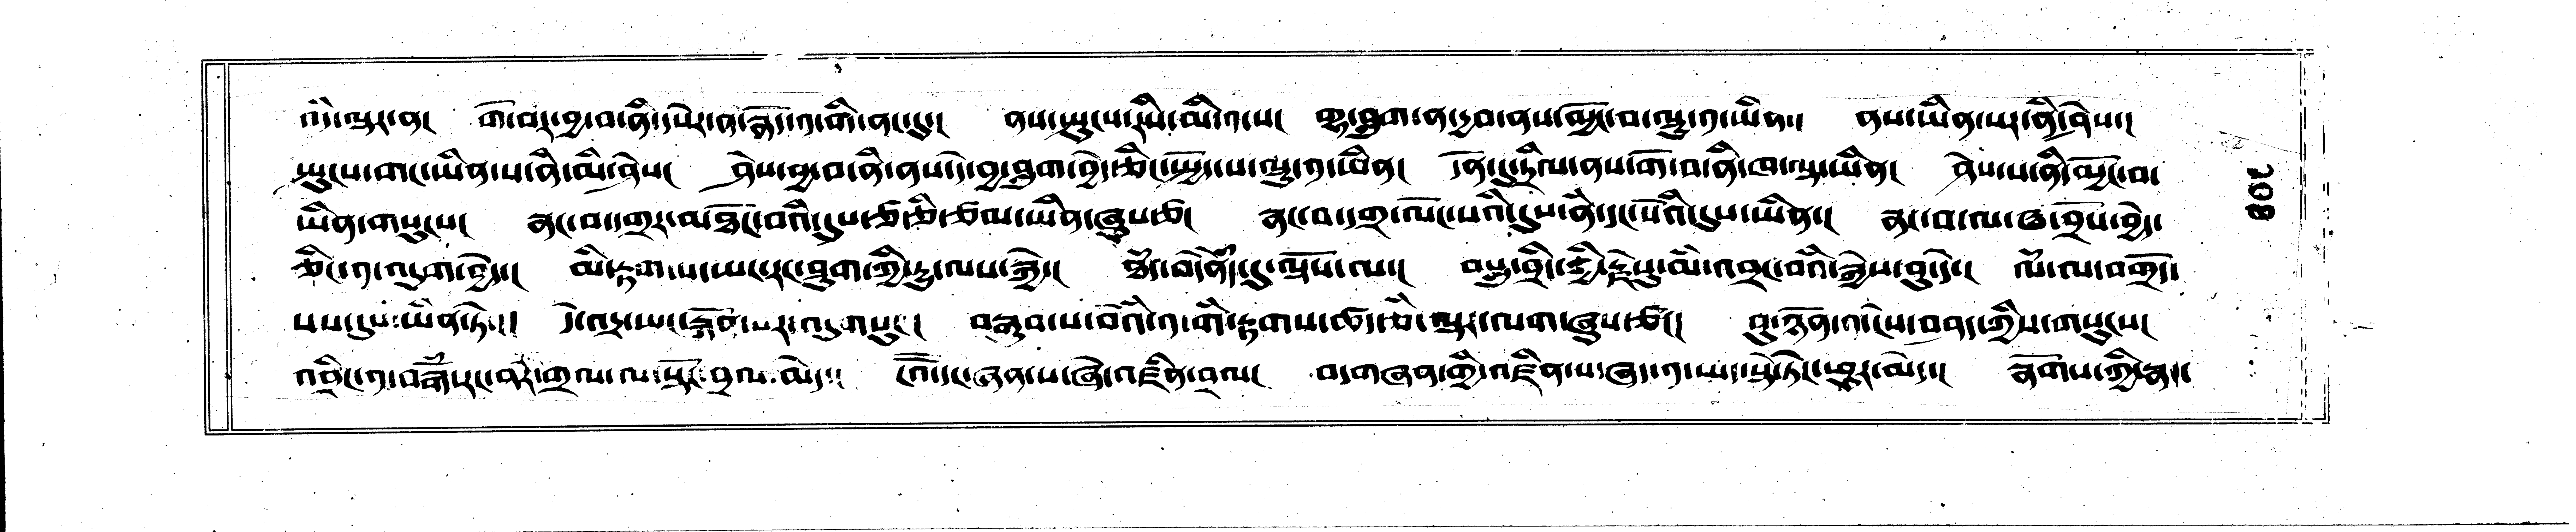འདི་ལྟར་ན། གོ་བར་བྱ་བ་ནི་དཔེར་ན་སྣོད་གཅིག་གི་ནང་དུ། ནས་སྤུངས་༼སྤུ༽རིས་མི་གཅིག་པ། གྷ་(འགའ)བླུག་ནས་རྒྱབ་ནས་མྱོང་བ་ལྟ་བུ་ཅིག་ཡིན། ནས་ཡིན་པར་ནི་ཤེས། 
སྤུངས་གང་ཡིན་པ་ནི་མི་ཤེས། ཤེས་བྱ་བ་ནི་ནས་དེ་བྱ་བླུག་བྱེད་ཅིང་སྤྱོད་པ་ལྟ་བུ་ཡིན། དོན་དུ་དྲིལ་ནས་གོ་བ་ནི་ཁ་ལྟ་ཡིན། ཤེས་པ་ནི་མྱོང་བ་
ཡིན་གསུངས། སྣང་བ་་དགྲར་མཐོང་བའི་དུས་ཙ་ཅི་ཙམ་ཡིན་ཞུས་ཙ། སྣང་བ་དགྲ་ལང་བའི་དུས་ནི་དང་པོའི་དུས་ཡིན། སྣང་བ་ལ་ཝ་བྲོས་བྱེད་
ཅིང་གཅིག་འདུག་བྱེད། མི་རྟག་པ་ཡང་རང་ཤུགས་ཀྱིས་རྒྱུད་ལ་སྐྱེ། ཐམས་ཅད་བདེན་མེད་དུ་ལྟོས་ལ། བསླུ་བྲིད་ཀྱི་རྗེས་སུ་མི་འབྲང་བའི་སྐྱེས་བུ་དེ། ལམ་ལ་བགྲོད་
པའི་དུས་ཡིན་ཏེ། དེ་འདྲ་ཡང་རྐོན་པར་འདུག་གསུངས། སྒྲུབ་པ་པོ་ཅིག་གི་རྟགས་ཚད་ཅི་ལྟར་ལགས་ཞུས་ཙ། བུ་ཉོན་ཅིག་ངེས་བཤད་ཀྱི་གསུངས། 
འབྲིང་ཅིག་སྒོམ་རང་ཤར་རང་གྲོལ་ལ་སྟོང་བྲལ་མེད། ངོའོ་དང་ཞེན་པ་ཞེན་འཛིན་བྲལ། བདག་གཞན་གྱི་འཛིན་པ་ཞད་ཅིག་ཡོད་དེ་ཏེང་ཕུར་མེད། སྣ་ཚོགས་ཀྱི་སྣང་བ་